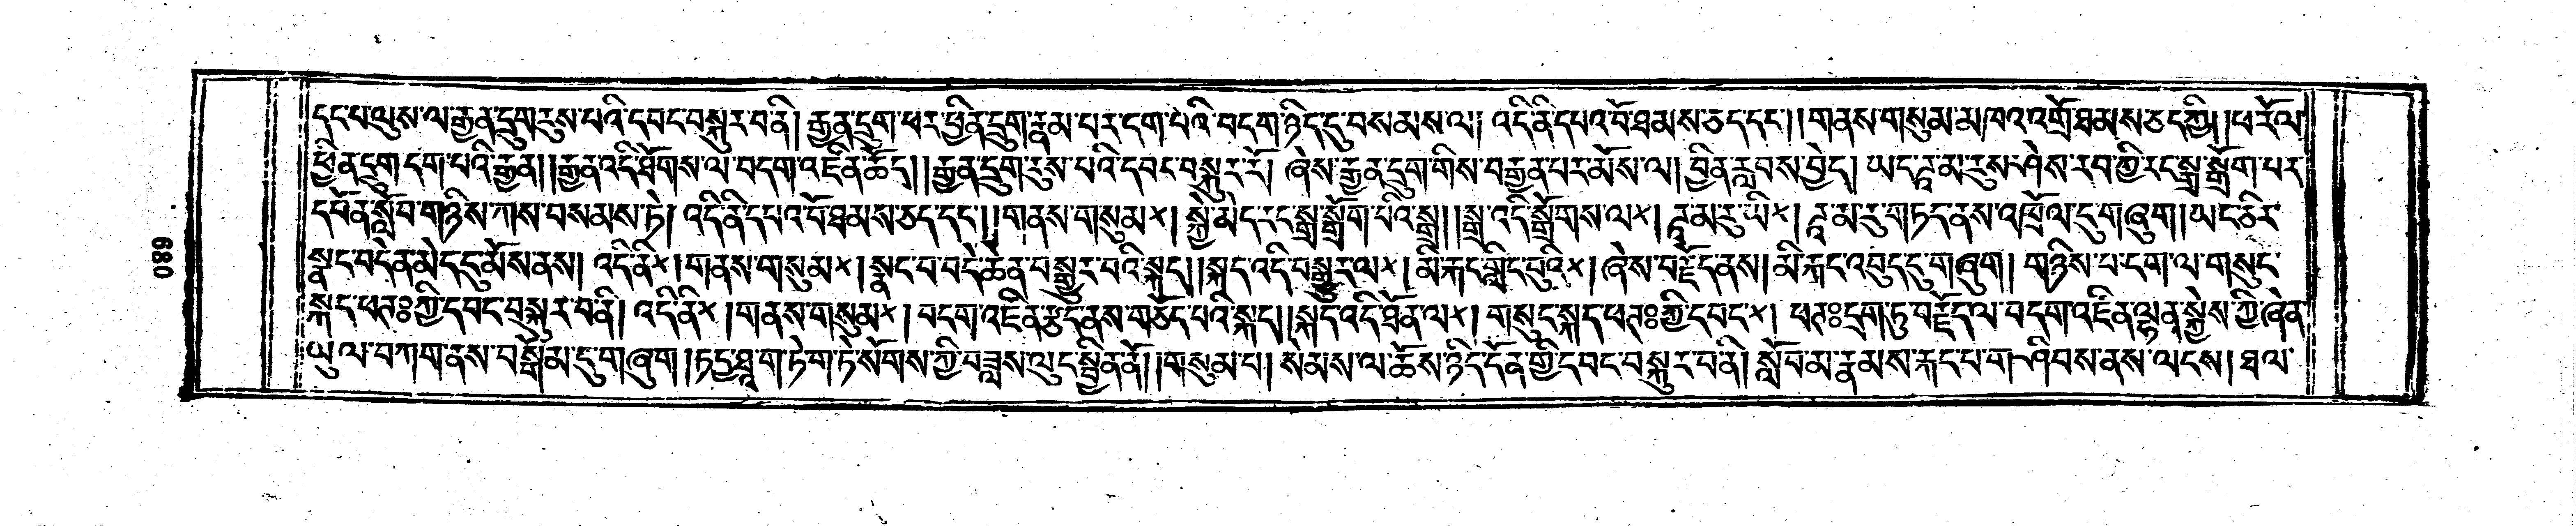དང་བ་ལུས་ལ་རྒྱན་དྲུག་རུས་པའི་དབང་བསྐུར་བ་ནི། རྒྱན་དྲུག་ཕར་ཕྱིན་དྲུག་རྣམ་པར་དག་པའི་བདག་ཉིད་དུ་བསམས་ལ། འདི་ནི་དཔའ་བོ་ཐམས་ཅད་དང་། །གནས་གསུམ་མཁའ་འགྲོ་ཐམས་ཅད་ཀྱི། །ཕ་རོལ་
ཕྱིན་དྲུག་དག་པའི་རྒྱན། །རྒྱན་འདི་ཐོགས་ལ་བདག་འཛིན་ཆོད། །རྒྱན་དྲུག་རུས་པའི་དབང་བསྐུར་རོ། །ཞེས་རྒྱན་དྲུག་གིས་བརྒྱན་པར་མོས་ལ། བྱིན་རླབས་བྱེད། ཡང་ཌཱ་མ་རུས་ཤེས་རབ་ཀྱི་རང་སྒྲ་སྒྲོག་པར་
དཔོན་སློབ་གཉིས་ཀས་བསམས་ཏེ། འདི་ནི་དཔའ་བོ་ཐམས་ཅད་དང་། །གནས་གསུམ་྾། སྐྱེ་མེད་རང་སྒྲ་སྒྲོག་པའི་སྒྲ། །སྒྲ་འདི་སྒྲགས་ལ་྾། ཌཱ་མ་རུ་ཡི་྾། ཌཱ་མ་རུ་གཏད་ནས་འཁྲོལ་དུ་གཞུག །ཡང་ཅིར་
སྣང་བདེན་མེད་དུ་མོས་ནས། འདི་ནི་྾། གནས་གསུམ་྾། སྣང་བ་བདེ་ཆེན་བསྒྱུར་བའི་སྐད། །སྐད་འདི་བསྒྱུར་ལ་྾། མི་རྐང་གླིང་བུའི་྾། ཞེས་བརྗོད་ནས། མི་རྐང་འབུད་དུ་གཞུག །གཉིས་པ་ངག་ལ་གསུང་
སྐད་ཕཊཿ ཀྱི་དབང་བསྐུར་བ་ནི། འདི་ནི་྾། གནས་གསུམ་྾། བདག་འཛིན་རྩད་ནས་གཅོད་པའི་སྐད། །སྐད་འདི་ཐོན་ལ་྾། གསུང་སྐད་ཕཊཿ ཀྱི་དབང་྾། ཕཊཿ དྲག་ཏུ་བརྗོད་ལ་བདག་འཛིན་ལྷན་སྐྱེས་ཀྱི་ཞེན་
ཡུལ་བཀག་ནས་བསྒོམ་དུ་གཞུག །ཏདྱ་ཐཱ་ག་ཏེ་ག་ཏེ་སོགས་ཀྱི་བཟླས་ལུང་སྦྱིན་ནོ། །གསུམ་པ། སེམས་ལ་ཆོས་ཉིད་དོན་གྱི་དབང་བསྐུར་བ་ནི། སློབ་མ་རྣམས་རྐང་པ་གཤིབས་ནས་ལངས། ཐལ་